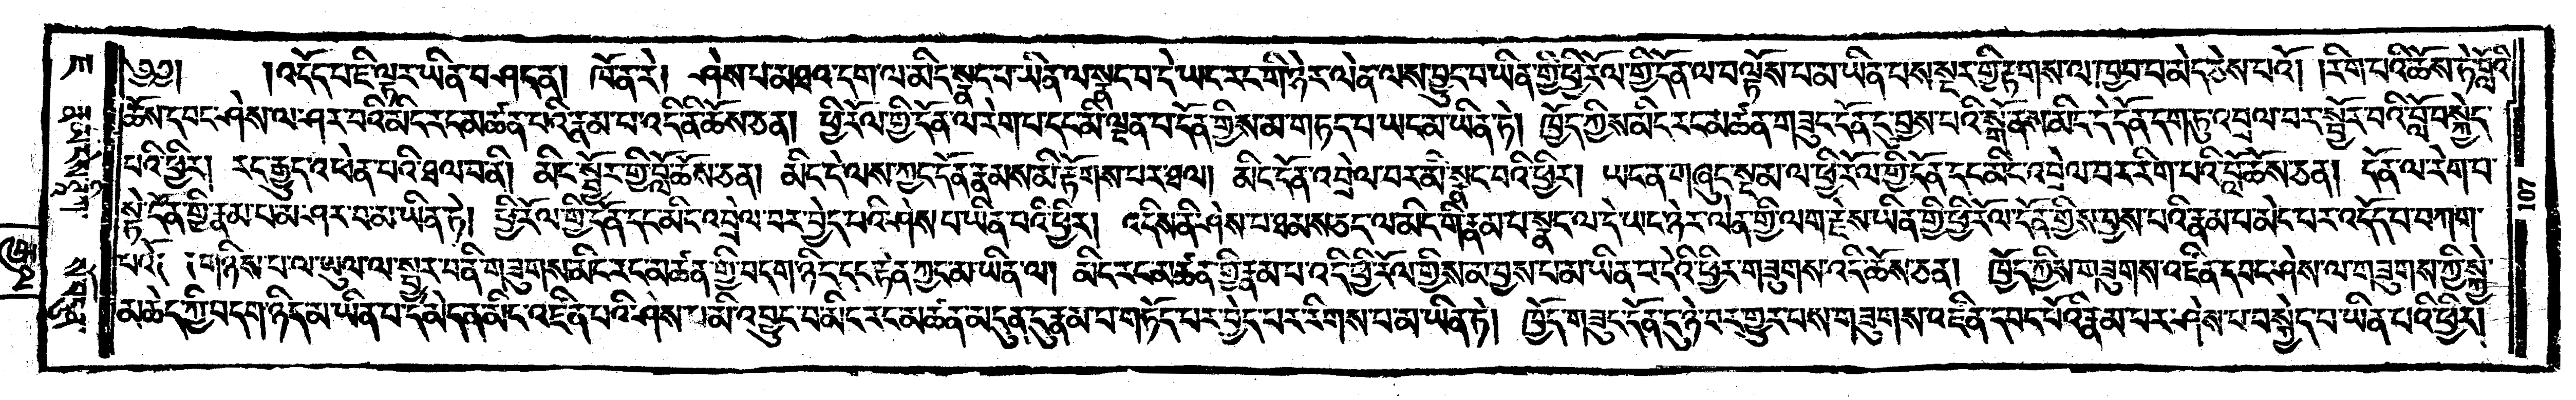༄༅། །འདོད་པ་ཇི་ལྟར་ཡིན་བཤད་ན། ཁོ་ན་རེ། ཤེས་པ་མཐའ་དག་ལ་མིད་སྣང་བ་ཡིན་ལ་སྣང་བ་དེ་ཡང་རང་གི་ཉེར་ལེན་ལས་བྱུང་བ་ཡིན་གྱི་ཕྱི་རོལ་གྱི་དོན་ལ་བལྟོས་པ་མ་ཡིན་པས་སྔར་གྱི་རྟགས་ལ་ཁྱབ་པ་མེད་ཅེས་པའོ། །རིག་པའི་ཆོས་ཏེ་བློའི་
ཆོས་དབང་ཤེས་ལ་ཤར་བའི་མིང་རང་མཚན་པའི་རྣམ་པ་འདི་ནི་ཆོས་ཅན། ཕྱི་རོལ་གྱི་དོན་ལ་རེག་པ་དང་མི་ལྡན་པ་དོན་གྱིས་མ་གཏད་པ་ཡང་མ་ཡིན་ཏེ། ཁྱོད་ཀྱིས་མིང་རང་མཚན་གཟུང་དོན་དུ་བྱས་པའི་སྒོ་ནས་མིང་དེ་དོན་དག་ཏུ་འབྲལ་བར་སྦྱོར་བའི་བློ་བསྐྱེད་
པའི་ཕྱིར། རང་རྒྱུད་འཕེན་པའི་ཐལ་བ་ནི། མིང་སྦྱོར་གྱི་བློ་ཆོས་ཅན། མིང་དེ་ལས་ཀྱང་དོན་རྣམས་མི་རྟོགས་པར་ཐལ། མིང་དོན་འབྲེལ་བར་མི་སྣང་བའི་ཕྱིར། ཡང་ན་གཞུང་སྔ་མ་ལ་ཕྱི་རོལ་གྱི་དོན་དང་མིང་འབྲེལ་བར་རིག་པའི་བློ་ཆོས་ཅན། དོན་ལ་རེག་པ་
སྟེ་དོན་གྱི་རྣམ་པ་མ་ཤར་བ་མ་ཡིན་ཏེ། ཕྱི་རོལ་གྱི་དོན་དང་མིང་འབྲེལ་བར་བྱེད་པའི་ཤེས་པ་ཡིན་པའི་ཕྱིར། འདིས་ནི་ཤེས་པ་ཐམས་ཅད་ལ་མིང་གི་རྣམ་པ་སྣང་ལ་དེ་ཡང་ཉེར་ལེན་གྱི་ལག་རྗེས་ཡིན་གྱི་ཕྱི་རོལ་དོན་གྱིས་བྱས་པའི་རྣམ་པ་མེད་པར་འདོད་པ་བཀག་
པའོ། །གཉིས་པ་ལ་ཡུལ་ལ་སྦྱར་བ་ནི་གཟུགས་མིང་རང་མཚན་གྱི་བདག་ཉིད་དང་རྟེན་ཀྱང་མ་ཡིན་ལ། མིང་རང་མཚན་གྱི་རྣམ་པ་འདི་ཕྱི་རོལ་གྱིས་མ་བྱས་པ་མ་ཡིན་པ་དེའི་ཕྱིར་གཟུགས་འདི་ཆོས་ཅན། ཁྱོད་ཀྱིས་གཟུགས་འཛིན་དབང་ཤེས་ལ་གཟུགས་ཀྱི་སྐྱེ་
མཆེད་ཀྱི་བདག་ཉིད་མ་ཡིན་པ་དེ་མེད་ན་མིང་འཛིན་པའི་ཤེས་པ་མི་འབྱུང་བ་མིང་རང་མཚན་མདུན་དུ་རྣམ་པ་གཏོད་པར་བྱེད་པར་རིགས་པ་མ་ཡིན་ཏེ། ཁྱོད་གཟུང་དོན་དུ་ཉེ་བར་གྱུར་པས་གཟུགས་འཛིན་དབང་པོའི་རྣམ་པར་ཤེས་པ་བསྐྱེད་པ་ཡིན་པའི་ཕྱིར།